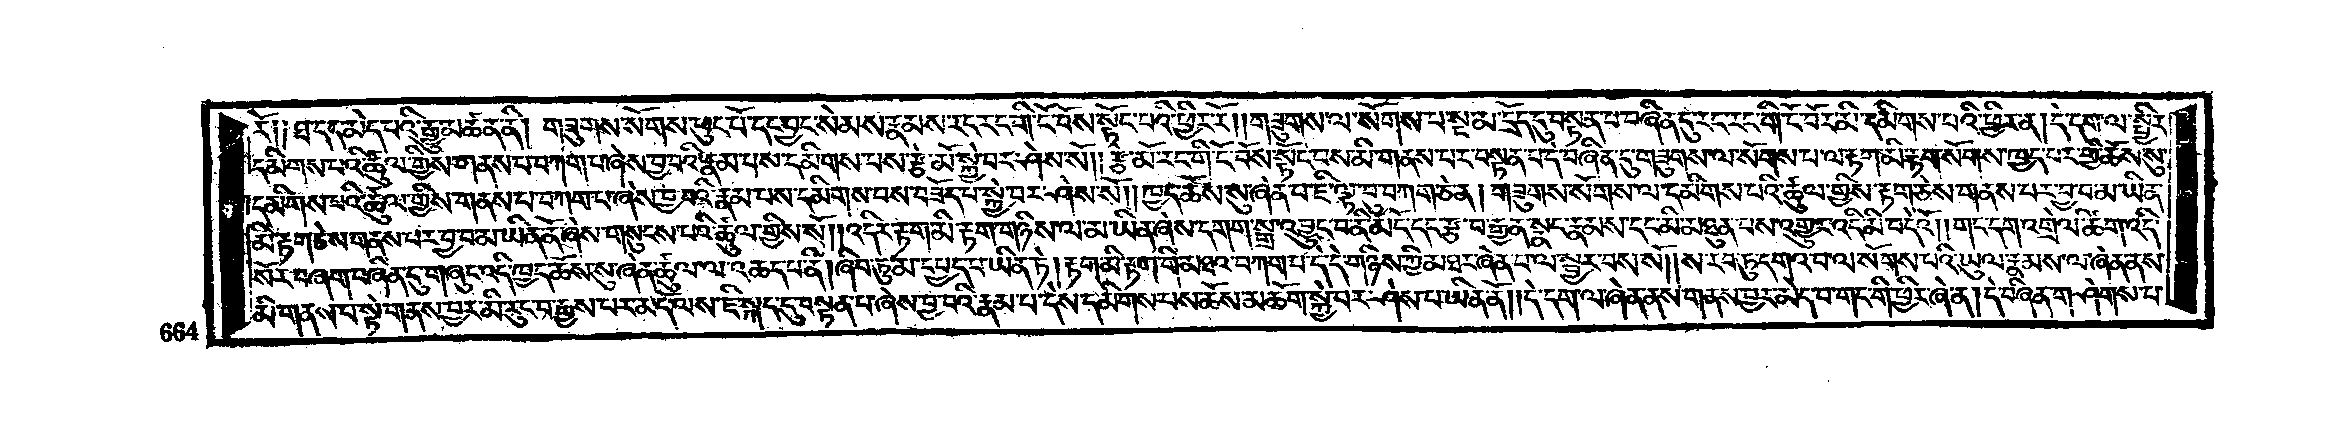རོ༑ ༑ཐ་དད་མེད་པའི་རྒྱུ་མཚན་ནི། གཟུགས་སོགས་ཕུང་པོ་དང་བྱང་སེམས་རྣམས་རང་རང་གི་ངོ་བོས་སྟོང་པའི་ཕྱིར་རོ། །གཟུགས་ལ་སོགས་པ་སྔ་མ་དྲོད་དུ་བསྟན་པ་བཞིན་དུ་རང་རང་གི་ངོ་བོར་མི་དམིགས་པའི་ཕྱིར་ན། དེ་དག་ལ་སྤྱིར་
དམིགས་པའི་ཚུལ་གྱིས་གནས་པ་བཀག་པ་ཞེས་བྱ་བའི་རྣམ་པས་དམིགས་པས་རྩེ་མོ་སྐྱེ་བར་ཤེས་སོ། །རྩེ་མོ་རང་གི་ངོ་བོས་སྟོང་པས་མི་གནས་པར་བསྟན་པ་དེ་བཞིན་དུ་གཟུགས་ལ་སོགས་པ་ལ་རྟག་མི་རྟག་སོགས་ཁྱད་པར་གྱི་ཆོས་སུ་
དམིགས་པའི་ཚུལ་གྱིས་གནས་པ་བཀག་པ་ཞེས་བྱ་བའི་རྣམ་པས་དམིགས་པས་བཟོད་པ་སྐྱེ་བར་ཤེས་སོ། །ཁྱད་ཆོས་སུ་ཞེན་པ་ཇི་ལྟ་བུ་བཀག་ཅེ་ན། གཟུགས་སོགས་ལ་དམིགས་པའི་ཚུལ་གྱིས་རྟག་ཅེས་གནས་པར་བྱ་བ་མ་ཡིན་
མི་རྟག་ཅེས་གནས་པར་བྱ་བ་མ་ཡིན་ནོ་ཞེས་གསུངས་པའི་ཚུལ་གྱིས་སོ། །འདིར་རྟག་མི་རྟག་གཉིས་ལ་མ་ཡིན་ཞེས་དགག་སྒྲ་འབྱུང་བ་ནི་མདོ་དང་རྩ་བ་རྒྱན་སྣང་རྣམས་དང་མི་མཐུན་པས་འགྱུར་འདི་མི་བདེའོ། །གང་དག་འགྲེལ་ཚིག་འདི་
སོར་བཞག་བཞིན་དུ་གཞུང་འདི་ཁྱད་ཆོས་སུ་ཞེན་ཚུལ་ལ་འཆད་པ་ནི། ཞིབ་ཏུ་མ་དཔྱད་པ་ཡིན་ཏེ། རྟག་མི་རྟག་གི་མཐའ་བཀག་པ་དེ་དེ་གཉིས་ཀྱི་མཐར་ཞེན་པ་ལ་སྦྱར་བས་སོ། །ས་རབ་ཏུ་དགའ་བ་ལ་སོགས་པའི་ཡུལ་རྣམས་ལ་ཞེན་ནས་
མི་གནས་པ་སྟེ་གནས་བྱར་མི་རུང་བ་རྒྱས་པར་མདོ་ལས་ཇི་སྐད་དུ་བསྟན་པ་ཞེས་བྱ་བའི་རྣམ་པ་དེས་དམིགས་པས་ཆོས་མཆོག་སྐྱེ་བར་ཤེས་པ་ཡིན་ནོ། །དེ་དག་ལ་ཞེན་ནས་གནས་བྱར་མེད་པ་གང་གི་ཕྱིར་ཞེ་ན། དེ་བཞིན་གཤེགས་པ་